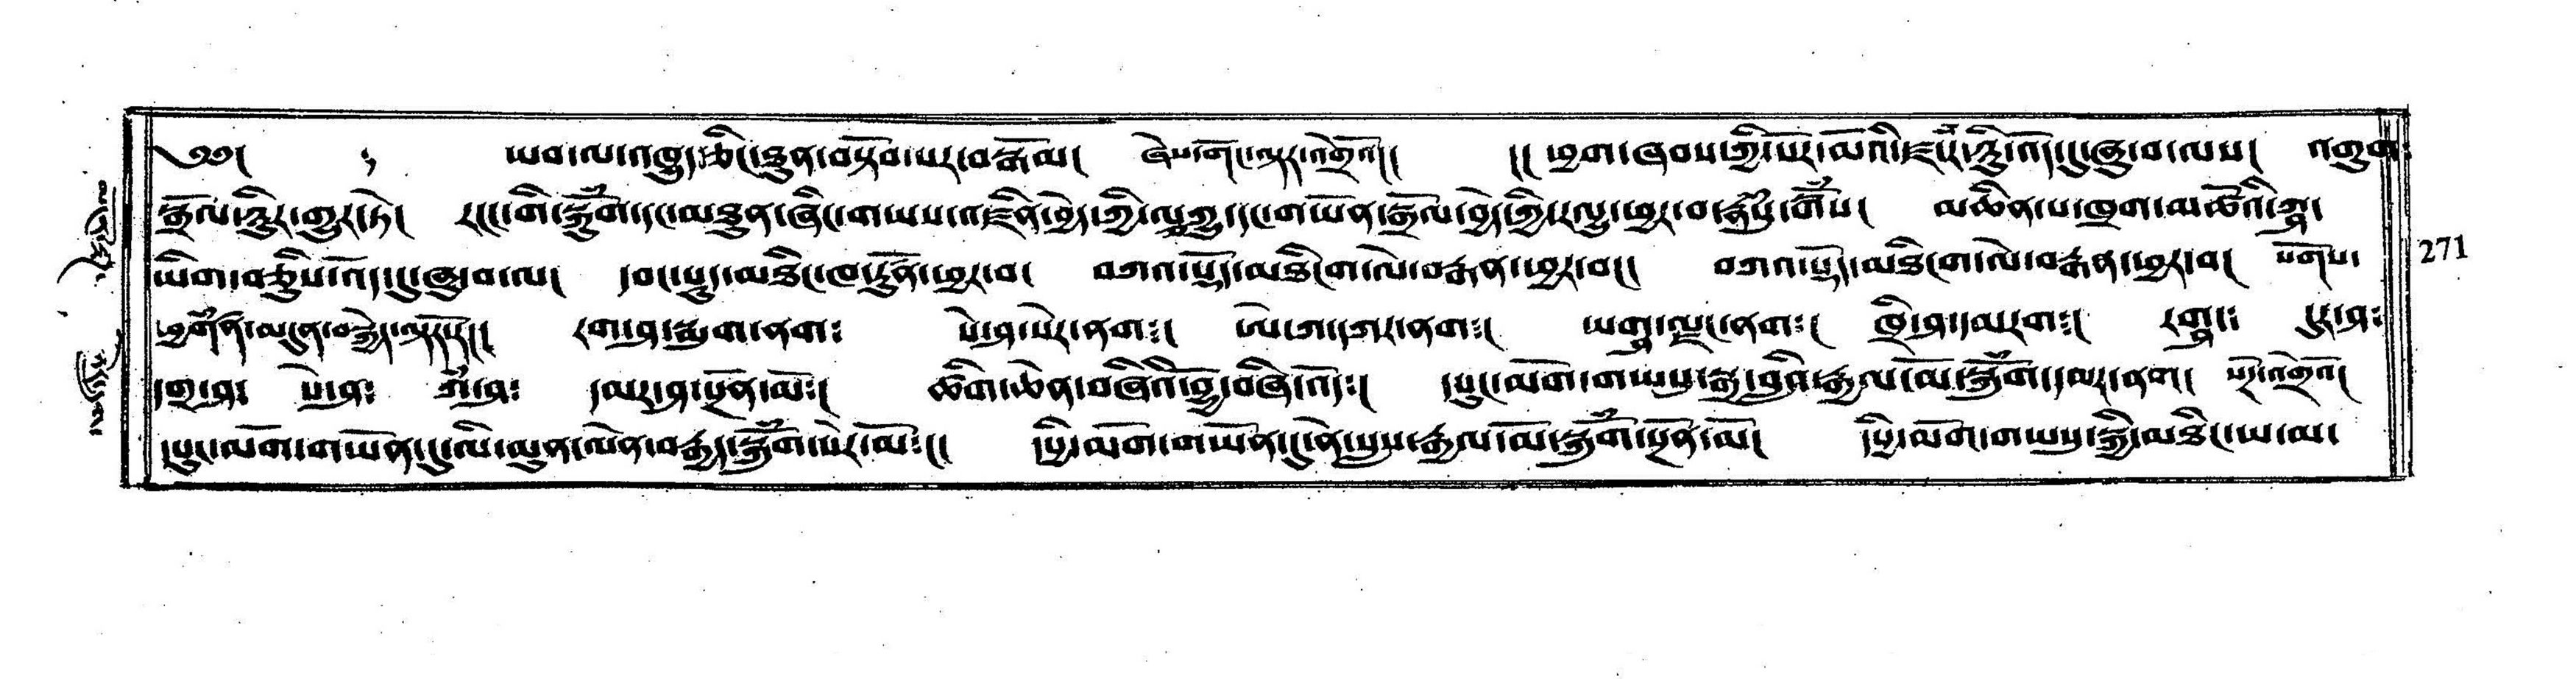ཡབ་ལ་འཁྱུད་ཅིང་ཐུན་བསྟོབ་པར་བསྒོམ། ཞེས་གོང་ལྟར་འགྲེའོ།། །།ཕྱག་ཞབས་ཀྱི་སོར་མོའི་ཛ་རཾ་ཉི་ཤུ་འོད་དུ་ཞུ་བ་ལས། འགུག་
སྒྲོལ་ཉི་ཤུར་གྱུར་ཏེ། རང་རང་གི་སྐུ་མདོག་དང་མཐུན་ཞིང་གཡས་འཛིན་བྱེད་ཀྱི་ལྕག་ཀྱུ་དང་གཡོན་སྒྲོལ་བྱེད་ཀྱི་རལ་ཀྱུ་ཕྱར་བ་རྣམས་སུ་སྒོམས། མཆིན་པ་ཁྲག་མཚོའི་ཀྴ་
ཡིག་བཅུ་གཉིས་འོད་དུ་ཞུ་བ་ལ། དབང་སྡུད་མཐིང་ཁ་རུ་མཚོན་ཕྱར་བ། བཀའ་སྡོད་མཐིང་ནག་ལེ་བརྒན་ཕྱར་བ།། སོགས་
ཕྱག་མཚན་མདུན་བསྐྱེད་ལྟར་རོ།། རག་ཤ་སྨུག་ནག༴ སེ་ཤ་སེར་ནག༴། ཨེ་ཀ་དཀར་ནག༴། ཡགྴ་ལྗང་ནག༴། ཁྲི་ཤ་དམར་ནག༴། རགྴ༴ དུར་ཤ༴
དགྲ་ཤ༴ སེ་ཤ༴ ཀཾ་ཤ༴ དམར་ཤ་སྔོན་མོ༴། ཚིག་ཆེན་བཞིའི་བྷྱོ་བཞི་འོད༴། དཔུང་མགོ་གཡས་སུ་སྒྲ་བླའི་རྒྱལ་མོ་སྐུ་མདོག་དམར་ནག སོགས་འགྲེའོ། 
དཔུང་མགོ་གཡོན་དུ་མི་མུན་ལེན་བརྒྱད་སྐུ་མདོག་སེར་མོ༴།། དཔྱི་མགོ་གཡོན་དུ་ནེ་སླས་རྒྱལ་མོ་སྐུ་མདོག་སྔོན་མོ། དཔྱི་མགོ་གཡས་སུ་སྐྱི་མཐིང་ཡ་མ་